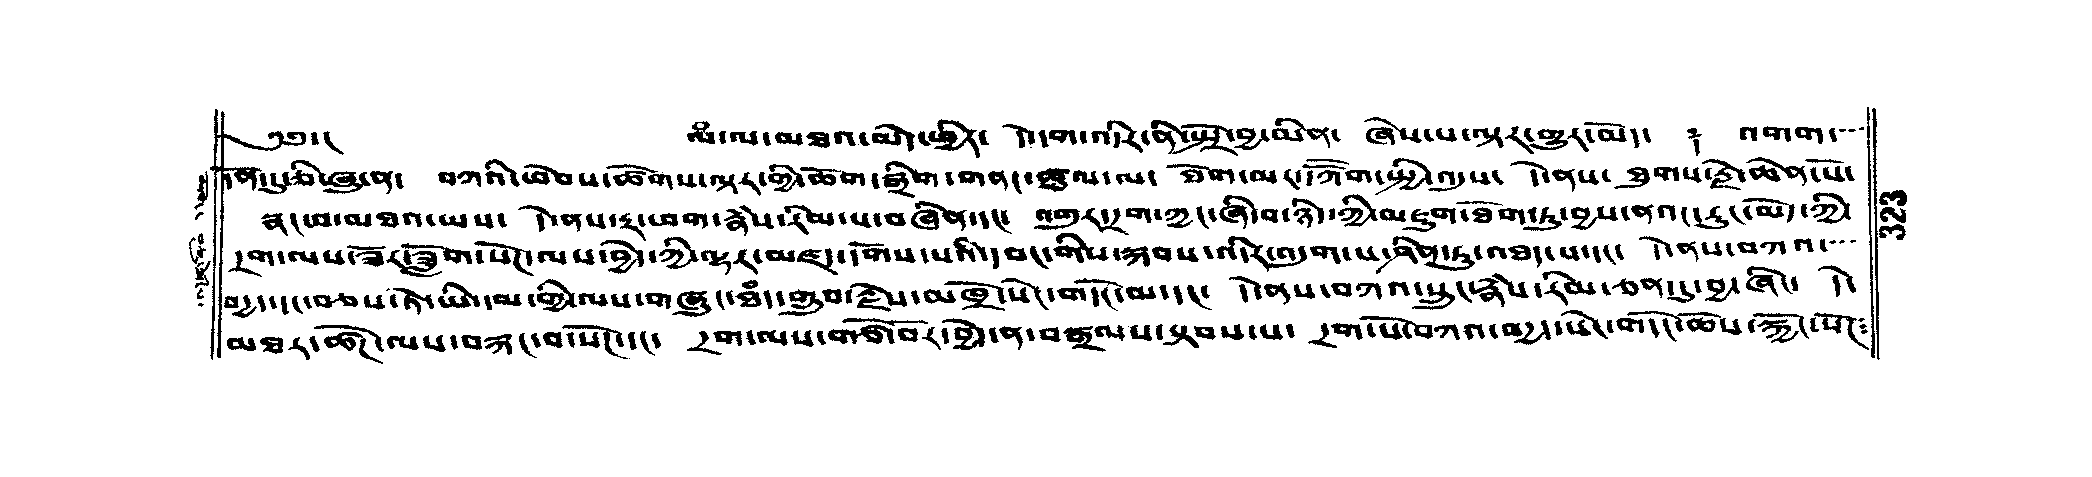ལམ་ལ་མཐའ་མེད་ཕྱིར། །དེ་དག་འདིར་ནི་སྤྲོ་བྱ་མིན། །ཞེས།གསུངས་པ་ལྟར་གྱུར་མོད། ༈ འགག་
དོན་དུ་ཅི་ཞུ་ན། བཀའི་ཕེབས་ཚོགས་ལྟར་གྱི་ཆོག་སྒྲིག་གནང་ཚུལ་ལ། ཐོག་མར་དཀོན་མཆོག་སྤྱི་འདུས། དེ་ནས་ཐུགས་རྗེ་ཆེན་པོ། 
སྣང་བ་མཐའ་ཡས། དེ་ནས་རྟ་ཕག་རྣམས་རིམ་པ་བཞིན་དང་། འགུར་དྲག་ཀྱང་ཞི་བ་ཉིད་ཀྱི་མཇུག་ཐོགས་ཏུ་བྱས་ནའང་རུང་མོད་ཀྱི། 
དྲག་ལས་ཟོར་ཟློག་སོགས་ལས་བྱེད་ཀྱི་ལྷར་མཛད་དགོས་པའི་དབང་གི་སྐབས་འདིར་འདུག་པ་ཤིན་ཏུ་འཐད་པ་དང་། དེ་ནས་བཀའ་
བརྒྱད་དང་བཅས་ཏེ་ཡི་དམ་གྱི་ལས་གཞུང་ཐམས་ཅད་གྲུབ་རྗེས་མཁའ་འགྲོ་སེང་གདོང་མ་དང་། དེ་ནས་བཀའ་སྲུང་རྣམས་རིམ་ཅན་དུ་བྱ་ཞིང་། དེ་
མཐར་ཚོགས་ལས་བསྐང་བ་སོགས་དང་།དྲག་ལས་གཙོ་བོར་བྱེད་ན་བསྒྲལ་ལས་སྟབས་པ། དྲག་པོ་བཀའ་བརྒྱད་སེང་གདོང་ཆོས་སྐྱོང་སོགས་